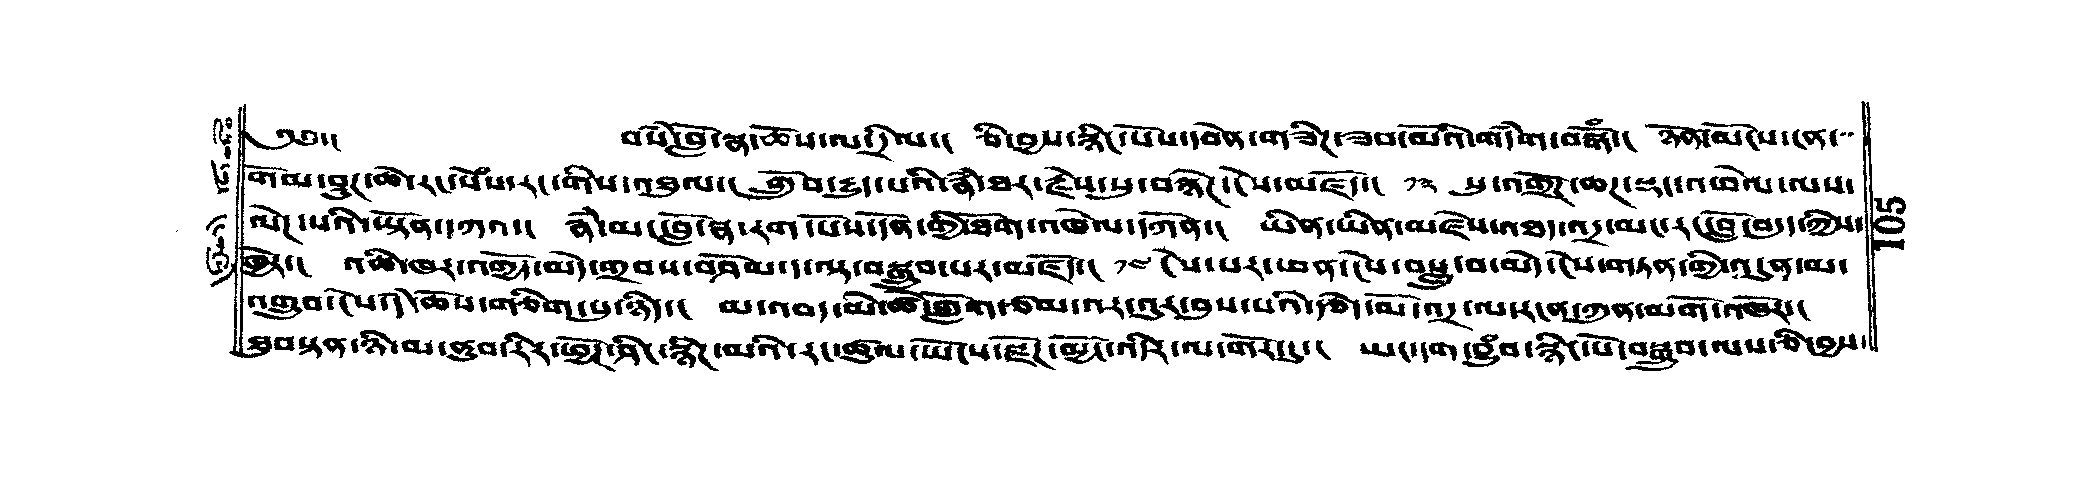བསམ་བློ་ན་ཆོས་ལ་དྲིལ། །ཅི་བྱས་སྙིང་པོས་དབེན་གཟིགས་ཟབ་མོའི་གདམས་ངག་བསྒོམ། །ཉོན་མོངས་ངན་
གོམ་ཤུགས་ཆེ་རང་སེམས་རང་གིས་འཐུལ། །གྲུབ་ཐོབ་རྒྱུད་པའི་རྣམ་ཐར་རྗེས་སུ་བསྙེགས་ངེས་མཛོད། །སུ་འགྲོགས་ཆགས་སྡང་འཕེལ་ལས་
ལེགས་པའི་ཡོན་ཏན་དཀའ། །རྣམ་མང་བློ་སྣ་དྲག་པོས་དོན་གྱི་ཐོག་འཁེལ་དཀོན། །ཡིན་ཡིན་མཛེས་འཐད་འདྲ་མང་རང་བློ་བདུད་ཀྱིས་
ཁྱེར། །འཆི་ཁར་འགྱོད་མེད་གྲབས་བཤོམ་ད་ལྟ་བསྒྲུབ་པར་མཛོད། །ངེས་པར་ཕན་ངེས་བསླུ་བ་མེད་ངེས་གཏན་གྱི་འདུན་མ་
འགྲུབ་ངེས་དམ་ཆོས་གཅིག་པུ་ཉིད། །མ་འབད་མི་ཚེ་གློག་ཙམ་འར་འུར་བུས་པའི་རྩེ་མོ་འདྲ་ལ་རང་གཞན་ཀུན་མགོ་འཁོར། །
ཐུབ་བསྟན་ཉི་མ་ནུབ་རིར་ཕྱོགས་ཞིང་སྙིགས་མའི་རང་ཚུལ་ཡོངས་རྫོགས་མྱོང་འདིར་ལ་གོར་དུ། །ཡང་དག་བྱང་ཆུབ་བསྒྲུབ1$1000180་ལས་ཅི་བྱས་